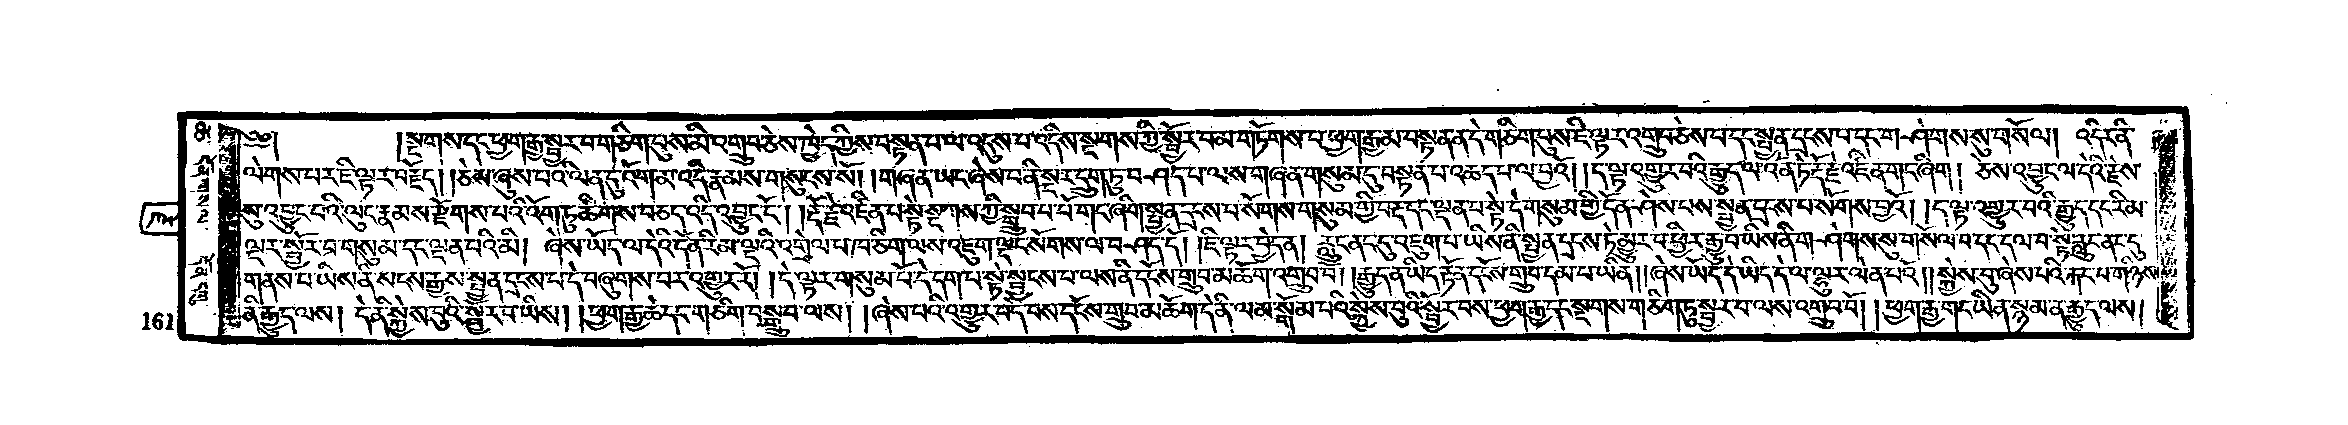༄༅། །སྔགས་དང་ཕྱག་རྒྱ་སྦར་བ་གཅིག་པུས་མི་འགྱུར་ཅེས་ཁྱེད་ཀྱིས་བསྟན་པ་ལ་འདུས་པ་འདིས་སྔགས་ཀྱི་སྦྱོར་བ་མ་གཏོགས་པ་ཕྱག་རྒྱ་མ་བསྟན་ན་དེ་གཅིག་པུས་ཇི་ལྟར་འགྲུབ་ཅེས་པ་དང་སྤྱན་དྲངས་པ་དང་གཤེགས་སུ་གསོལ། འདིར་ནི་
ལེགས་པར་ཇི་ལྟར་བརྗོད། །ཅེས་ཞུས་པའི་ལན་དུ་འོག་མ་འདི་རྣམས་གསུངས་སོ། །གཞན་ཡང་ཞེས་པ་ནི་སྔར་དྲུག་ཏུ་བཤད་པ་ལས་གཞན་གསུམ་དུ་བསྟན་པ་འཆད་པ་ལ་བྱའོ། །དེ་ལྟར་འགྱུར་བའི་རྒྱུད་ལ་འོན་ཏེ་རྡོ་རྗེ་འཛིན་གང་ཞིག། ཅེས་འབྱུང་ལ་དེའི་རྗེས་
སུ་འབྱུང་བའི་ལུང་རྣམས་རྫོགས་པའི་འོག་ཏུ་ཚིགས་བཅད་འདི་འབྱུང་ངོ། །རྡོ་རྗེ་འཛིན་པ་སྟེ་སྔགས་ཀྱི་སྒྲུབ་པ་པོ་གང་ཞིག་སྤྱན་དྲངས་པ་སོགས་གསུམ་གྱི་བརྡ་དང་ལྡན་པ་སྟེ་དེ་གསུམ་གྱི་དོན་ཤེས་པས་སྤྱན་དྲངས་པ་སོགས་བྱའོ། །དེ་ལྟ་འགྱུར་བའི་རྒྱུད་དང་རིམ་
ལྔར་སྦྱོར་བ་གསུམ་དང་ལྡན་པའི་མི། ཞེས་ཡོད་ལ་དེའི་དོན་རིམ་ལྔའི་འགྲེལ་པ་ཁ་ཅིག་ལས་འཇུག་ལྡང་སོགས་ལ་བཤད་དོ། །ཇི་ལྟར་བྱེད་ན། རླུང་ནང་དུ་འཇུག་པ་ཡིས་ནི་སྤྱན་དྲངས་ཏེ་མྱུར་བ་ཕྱིར་རྒྱུ་བ་ཡིས་ནི་གཤེགས་སུ་གསོལ་བ་དང་དལ་བ་སྟེ་རླུང་ནང་དུ་
གནས་པ་ཡིས་ནི་སངས་རྒྱས་སྤྱན་དྲངས་པ་དེ་བཞུགས་པར་འགྱུར་རོ། །དེ་ལྟར་གསུམ་པོ་དེ་དག་པ་སྟེ་སྦྱངས་པ་ལས་ནི་དངོས་གྲུབ་མཆོག་འགྲུབ་བོ། །རྒྱུད་ན་ཡིད་རྟོན་དངོས་གྲུབ་དམ་པ་ཡིན། །ཞེས་ཡོད་དེ་ཡིད་དེ་ལ་ལྷུར་ལེན་པའོ། །སྐྱེས་བུ་ཞེས་པའི་རྐང་པ་གཉིས་
ནི་རྒྱུད་ལས། དེ་ནི་སྐྱེས་བུའི་སྦྱོར་བ་ཡིས། །ཕྱག་རྒྱ་ཆེ་དང་གཅིག་བསྒྲུབ་ལས། །ཞེས་པའི་འགྱུར་བདེ་བས་དངོས་གྲུབ་མཆོག་དེ་ནི་ལམ་སྒོམ་པའི་སྐྱེས་བུའི་སྦྱོར་བས་ཕྱག་རྒྱ་དང་སྔགས་གཅིག་ཏུ་སྦྱར་བ་ལས་འགྱུར་བོ། །ཕྱག་རྒྱ་གང་ཡིན་སྙམ་ན་རྒྱུད་ལས།